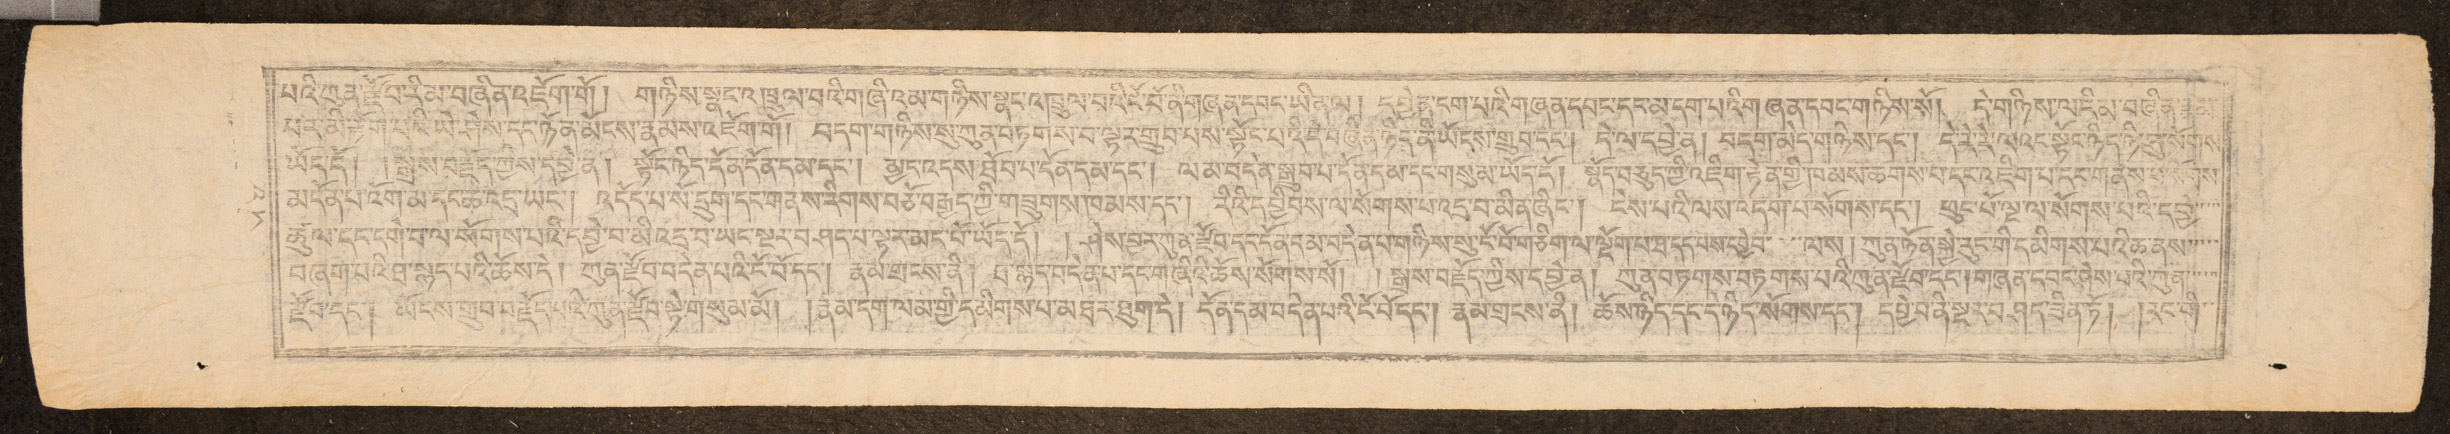པའི་ཀུན་རྫོབ་རིམ་བཞིན་འཇོག་གོ། གཉིས་སྣང་འཁྲུལ་བའི་གཞིའམ་གཉིས་སྣང་འཁྲུལ་བའི་ངོ་བོ་ནི་གཞན་དབང་ཡིན་ལ། དབྱེན་དག་པའི་གཞན་དབང་དང་མ་དག་པའི་གཞན་དབང་གཉིས་སོ། དེ་གཉིས་ལ་རིམ་བཞིན་རྣམ་
པར་མི་རྟོག་པའི་ཡེ་ཤེས་དང་ཉོན་མོངས་རྣམས་འཇོག་གོ། བདག་གཉིས་སུ་ཀུན་བཏགས་བ་ལྟར་གྲུབ་པས་སྟོང་པའི་དེ་བཞིན་ཉིད་ནི་ཡོངས་གྲུབ་དང་། དེ་ལ་དབྱེ་ན། བདག་མེད་གཉིས་དང་། དེ་རེ་རེ་ལའང་སྟོང་ཉིད་ཉི་ཤུ་སོགས་
ཡོད་དོ། །སྒྲས་བརྗོད་ཀྱིས་དབྱེ་ན། སྟོང་ཉིད་དོན་དོན་དམ་དང་། མྱང་འདས་ཐོབ་པ་དོན་དམ་དང་། ལམ་བདེན་སྒྲུབ་པ་དོན་དམ་དང་གསུམ་ཡོད་དོ། སྣོད་བཅུད་ཀྱི་འཇིག་རྟེན་གྱི་ཁམས་ཆགས་པ་དང་འཇིག་པ་དང་གནས་པ་སོགས་
མདོན་པ་འོག་མ་དང་ཆ་འདྲ་ཡང་། འདོད་པ་སོ་དྲུག་དང་གནས་རིགས་བཅོ་བརྒྱད་ཀྱི་གཟུགས་ཁམས་དང་། རིའི་དབྱིབས་ལ་སོགས་པ་འདྲ་བ་མིན་ཞིང་། ངེས་པའི་ལས་འདག་པ་སོགས་དང་། ཕུང་པོ་ལྔ་ལ་སོགས་པའི་དབྱེ་
ཚུལ་དང་དགེ་བ་ལ་སོགས་པའི་དབྱེ་བ་མི་འདྲ་བ་ཡང་སྔར་བཤད་པ་ལྟར་མང་པོ་ཡོད་དོ། །ཤེས་བྱར་ཀུན་རྫོབ་དང་དོན་དམ་བདེན་པ་གཉིས་སུ་ངོ་བོ་གཅིག་ལ་ལྡོག་པ་ཐ་དད་པས་དབྱེ་བ་ལས། ཀུན་ཉོན་སྐྱེ་རུང་གི་དམིགས་པའི་ཆ་ནས་
བཞག་པའི་ཐ་སྙད་པའི་ཆོས་དེ། ཀུན་རྫོབ་བདེན་པའི་ངོ་བོ་དང་། རྣམ་གྲངས་ནི། ཐ་སྙད་བདེན་པ་དང་གཞིའི་ཆོས་སོགས་སོ། །སྒྲས་བརྗོད་ཀྱིས་དབྱེ་ན། ཀུན་བཏགས་བཏགས་པའི་ཀུན་རྫོབ་དང་། གཞན་དབང་ཤེས་པའི་ཀུན་
རྫོབ་དང་། ཡོངས་གྲུབ་བརྗོད་པའི་ཀུན་རྫོབ་སྟེ་གསུམ་མོ། །རྣམ་དག་ལམ་གྱི་དམིགས་པ་མཐར་ཐུག་དེ། དོན་དམ་བདེན་པའི་ངོ་བོ་དང་། རྣམ་གྲངས་ནི། ཆོས་ཉིད་དང་དེ་ཉིད་སོགས་དང་། དབྱེ་བ་ནི་སྔར་བཤད་ཟིན་ཏོ། །རང་གི་